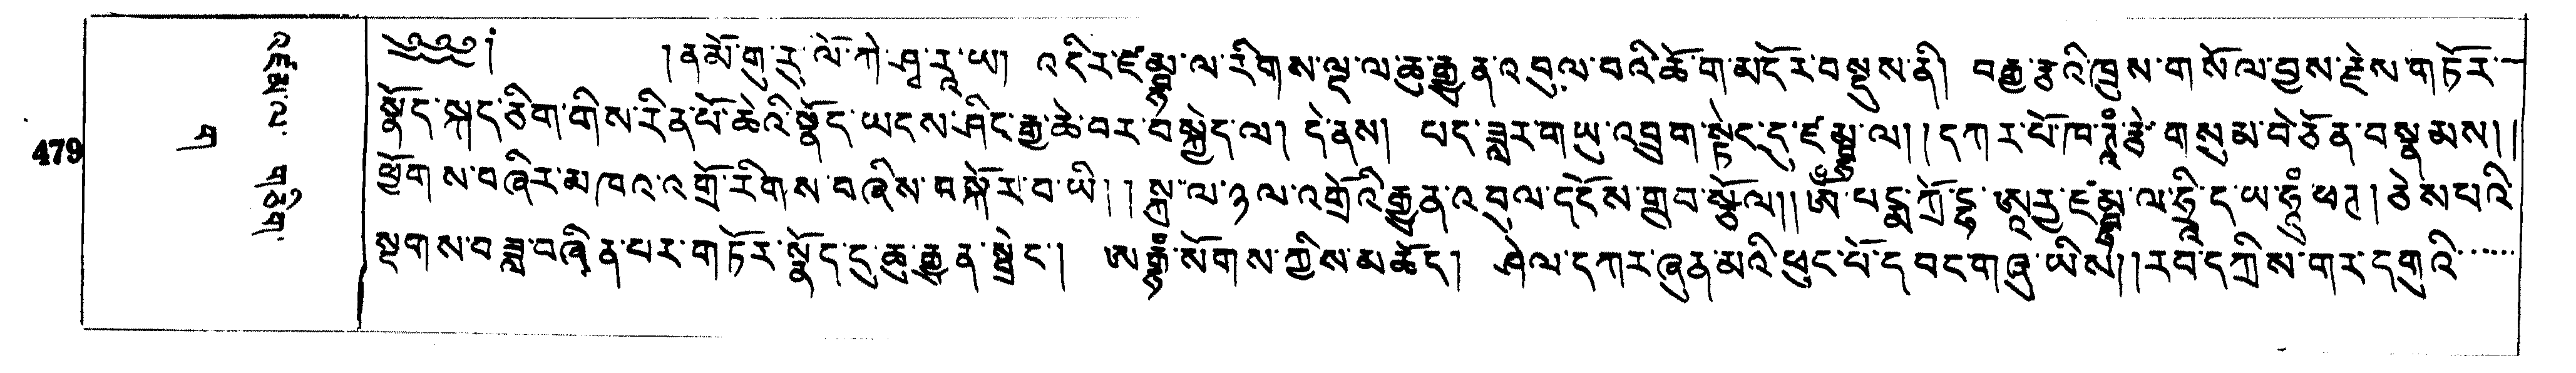༄༅༅། །ན་མོ་གུ་རུ་ལོ་ཀེ་ཤྭ་རཱ་ཡ། འདིར་ཛ་མྦྷ་ལ་རིགས་ལྔ་ལ་ཆུ་རྒྱུན་འབུལ་བའི་ཆོ་ག་མདོར་བསྡུས་ནི། བརྒྱ་རྩའི་ཁྲུས་གསོལ་བྱས་རྗེས་གཏོར་
སྣོད་སྐད་ཅིག་གིས་རིན་པོ་ཆེའི་སྣོད་ཡངས་ཤིང་རྒྱ་ཆེ་བར་བསྐྱེད་ལ། དེ་ནས། པད་ཟླར་གཡུ་འབྲུག་སྟེང་དུ་ཛ་མྦྷ་ལ། །དཀར་པོ་ཁ་ཊཱཾ་རྩེ་གསུམ་བེ་ཅོན་བསྣམས། །
ཕྱོགས་བཞིར་མཁའ་འགྲོ་རིགས་བཞིས་བསྐོར་བ་ཡི། །སྐུ་ལ་ཉལ་འགྲོའི་རྒྱུན་འབུལ་དངོས་གྲུབ་སྩོལ། །ཨོཾ་པདམ་ཀྲོ་དྷ་ཨཱརྱ་ཛམྦྷ་ལ་ཧྲཱི་ད་ཡ་ཧཱུཾ་ཕཊ། ཅེས་པའི་
སྔགས་བཟླ་བཞིན་པར་གཏོར་སྣོད་དུ་ཆུ་རྒྱུན་སྦྲེང་། ཨརྒྷཾ་སོགས་ཀྱིས་མཆོད། ཤེལ་དཀར་ཞུན་མའི་ཕུང་པོ་དབང་གཞུ་ཡིས། །རབ་དཀྲིས་གར་དགུའི་